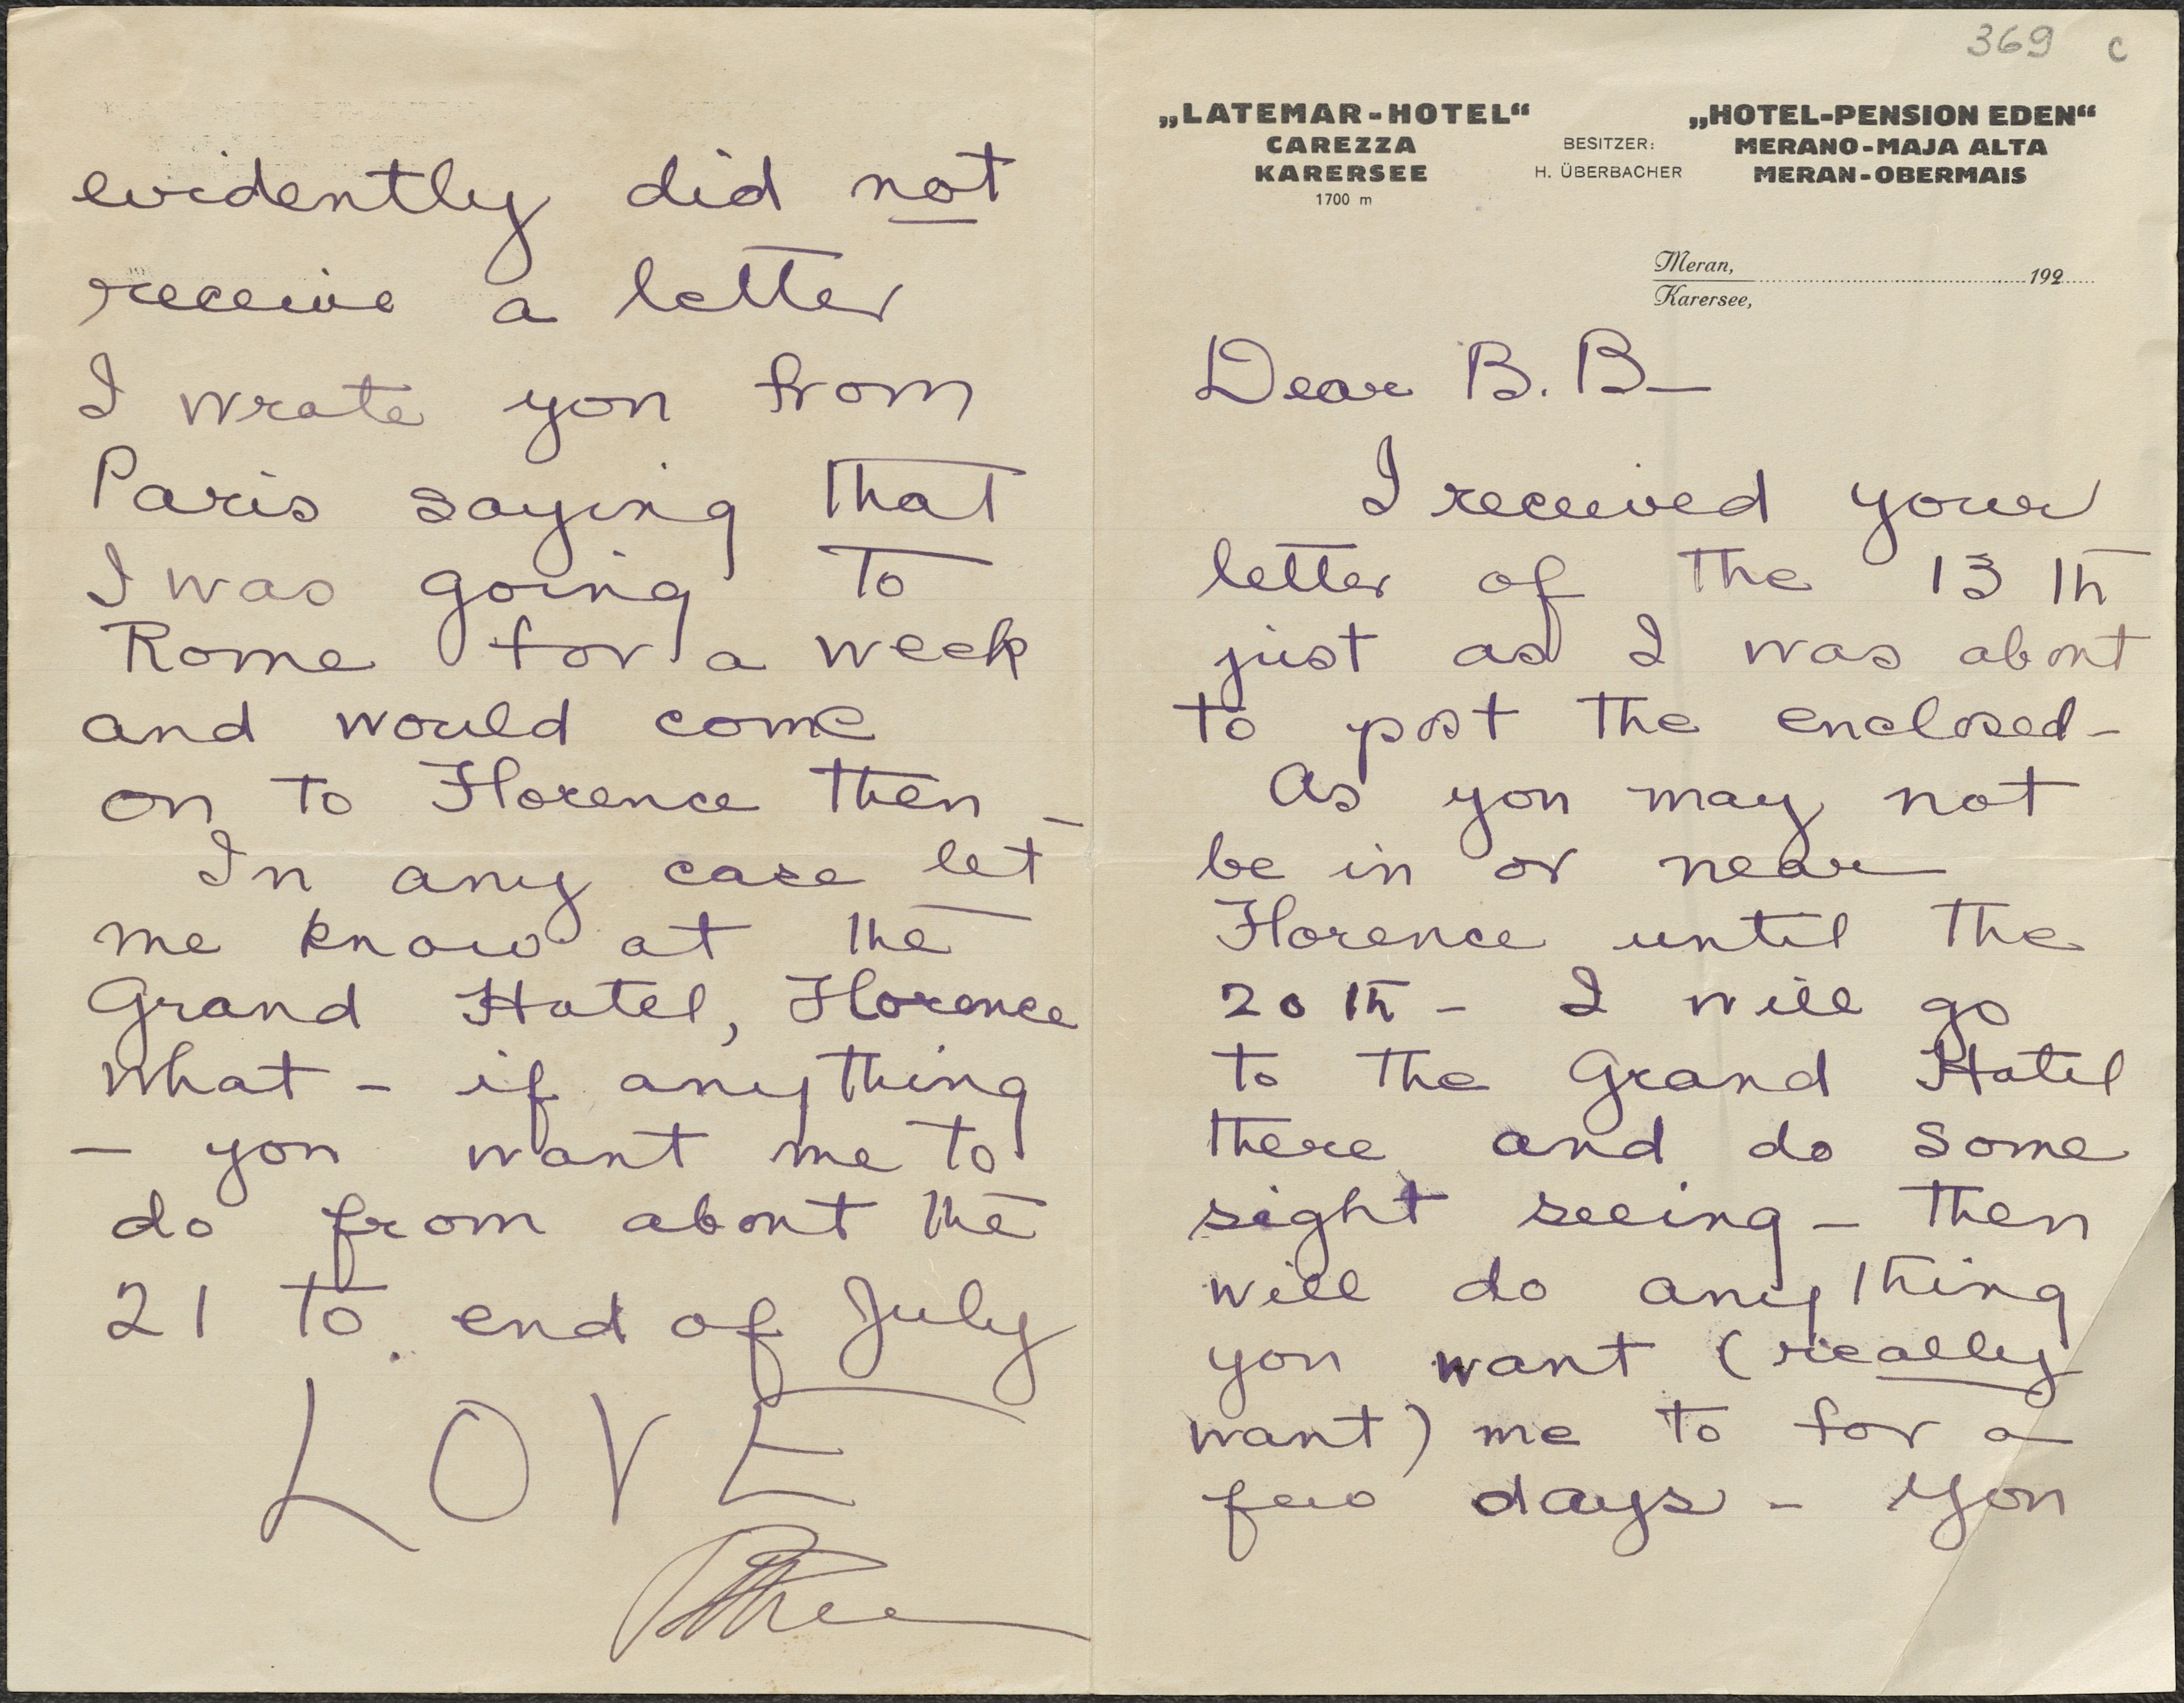Dear B. B –
I received your letter of the 13th just as I was about to post the enclosed –
As you may not be in or near Florence until the 20th – I will go to the Grand Hotel there and do some sight seeing – Then will do anything you want (really want) me to for a few days – You
evidently did not receive a letter I wrote you from Paris saying that I was going to Rome for a week and would come on to Florence then –
In any case let me know at the Grand Hotel, Florence what – if anything – you want me to do from about the 21 to end of July
[in print: LOVE]
Belle